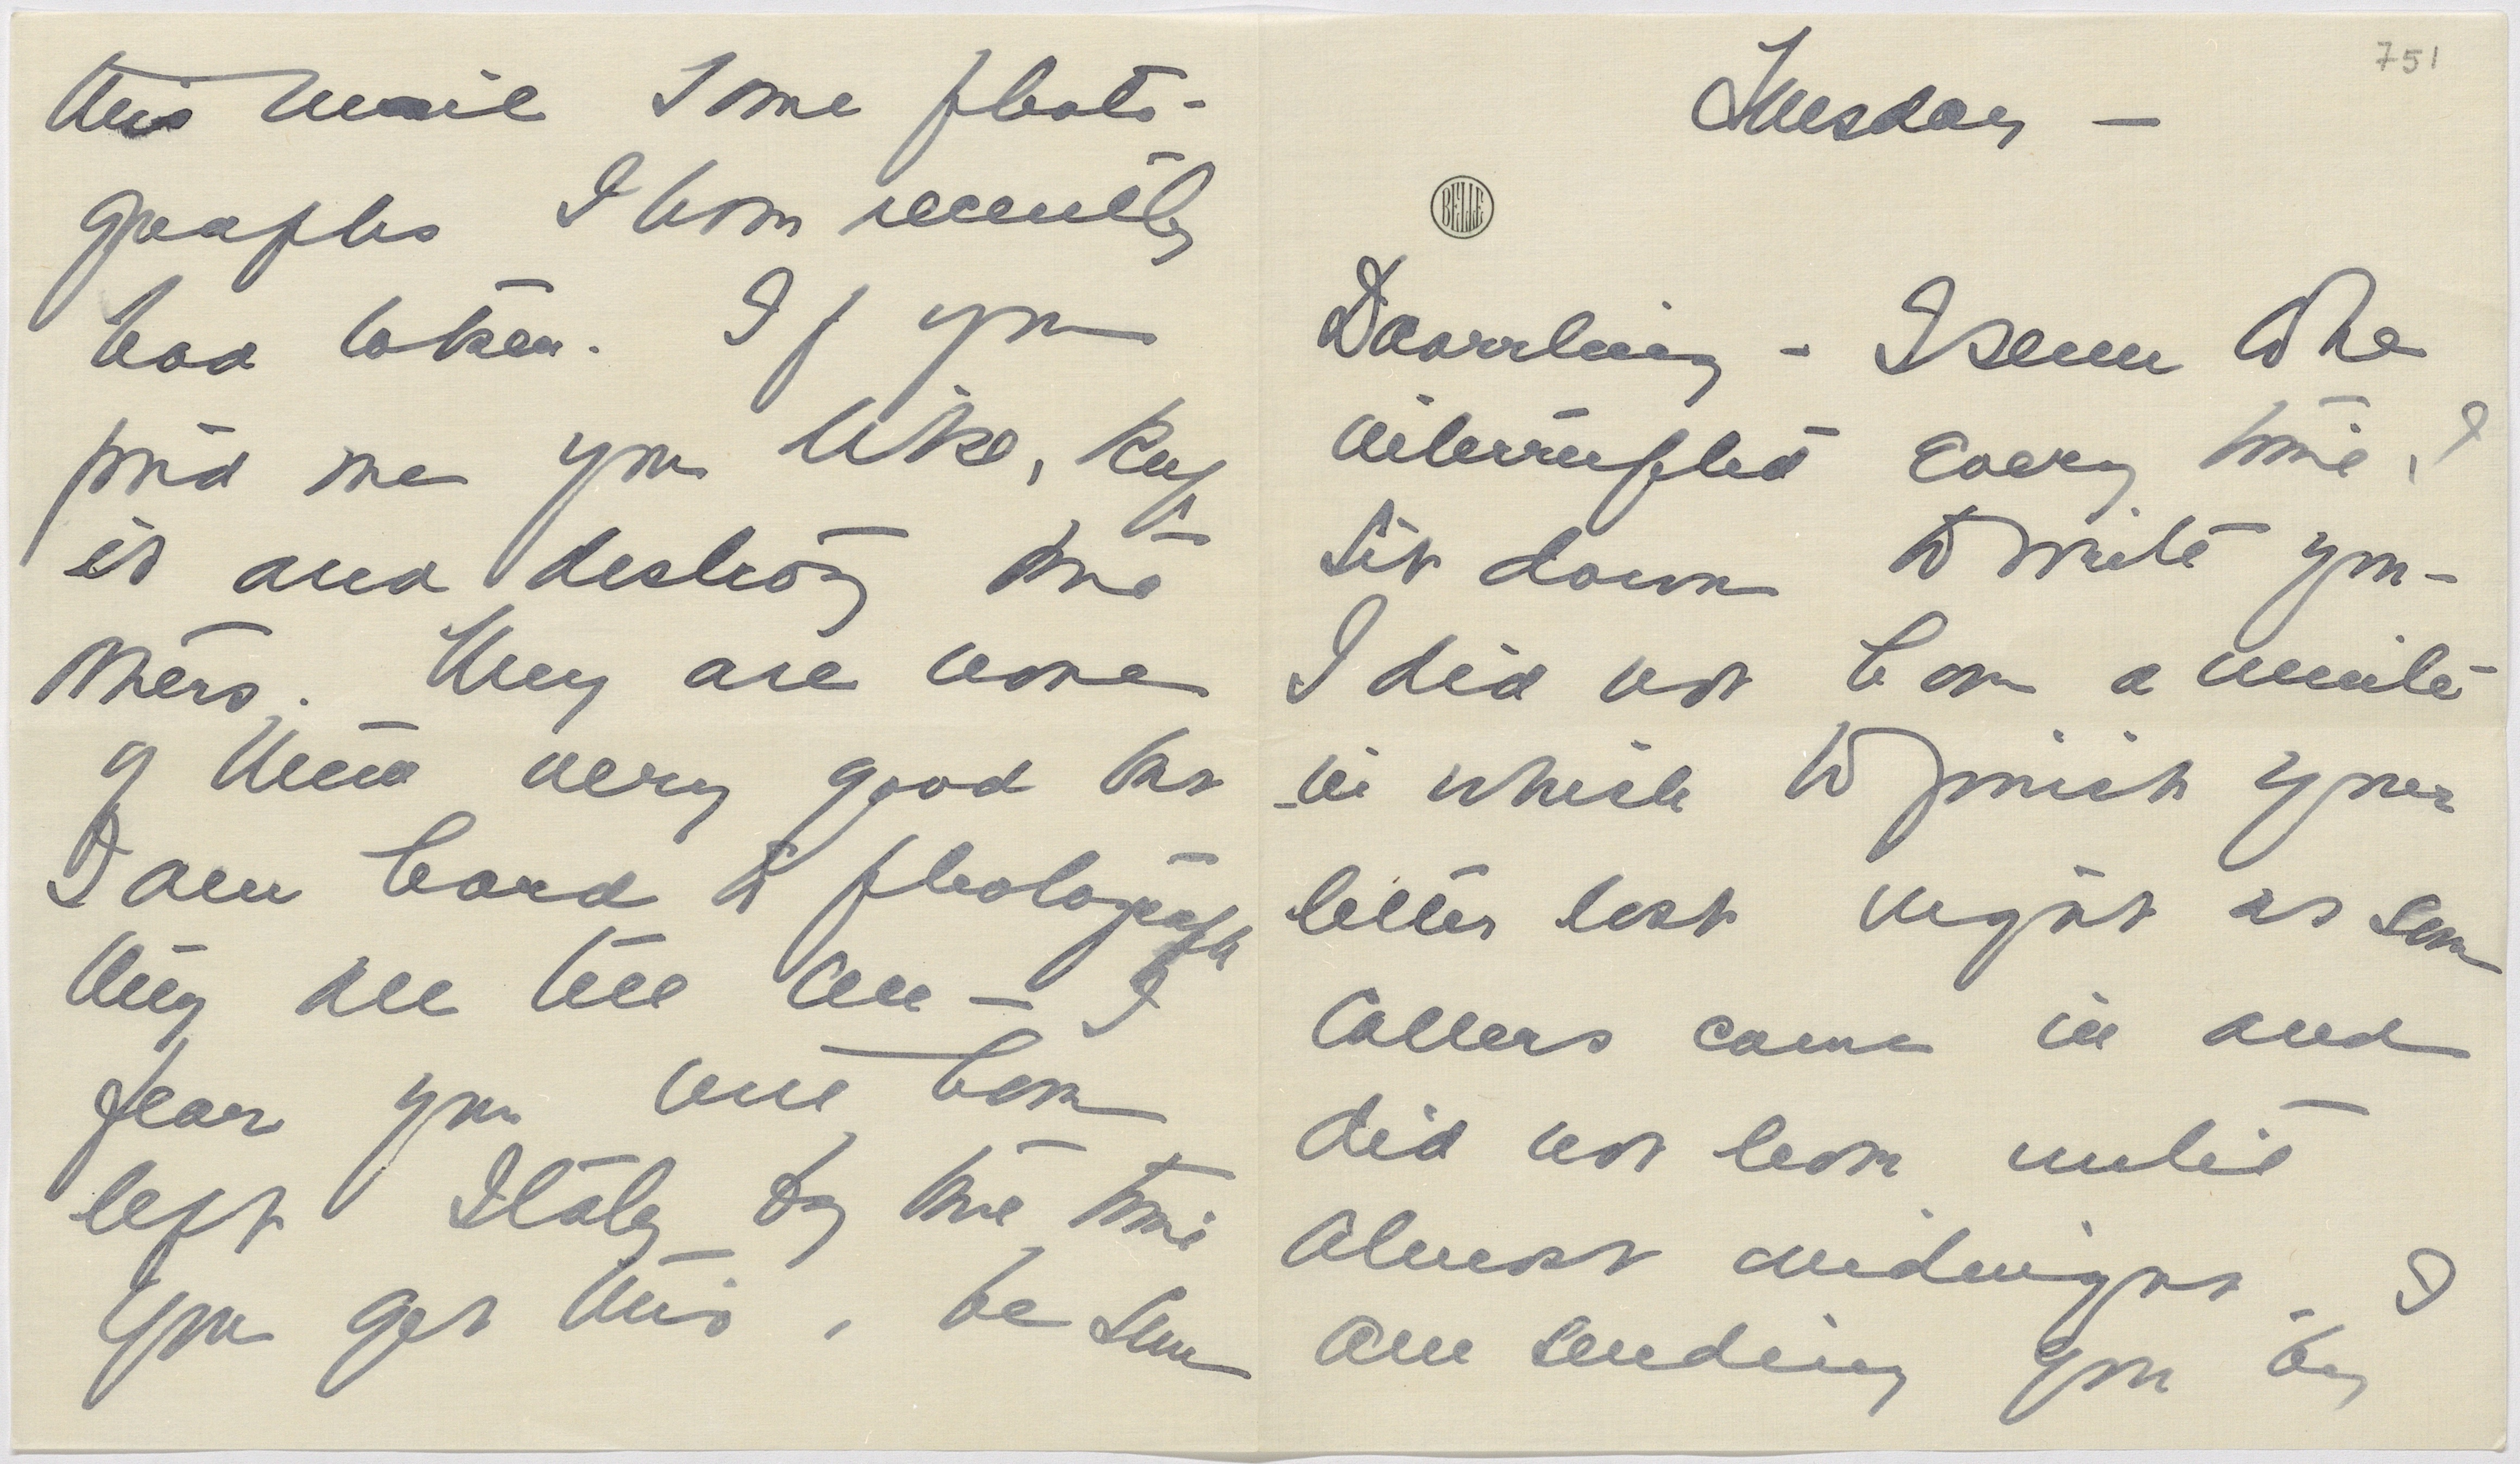Tuesday –
Daarrling – I seem to be interrupted every time I sit down to write you – I did not have a minute in which to finish your letter last night as some callers came in and did not leave until almost midnight. I am sending you by
this mail some photographs I have recently had taken. If you find one you like, keep it and destroy the others. They are none of them very good but I am hard to photograph they all tell me – I fear you will have left Italy by the time you get this, be sure